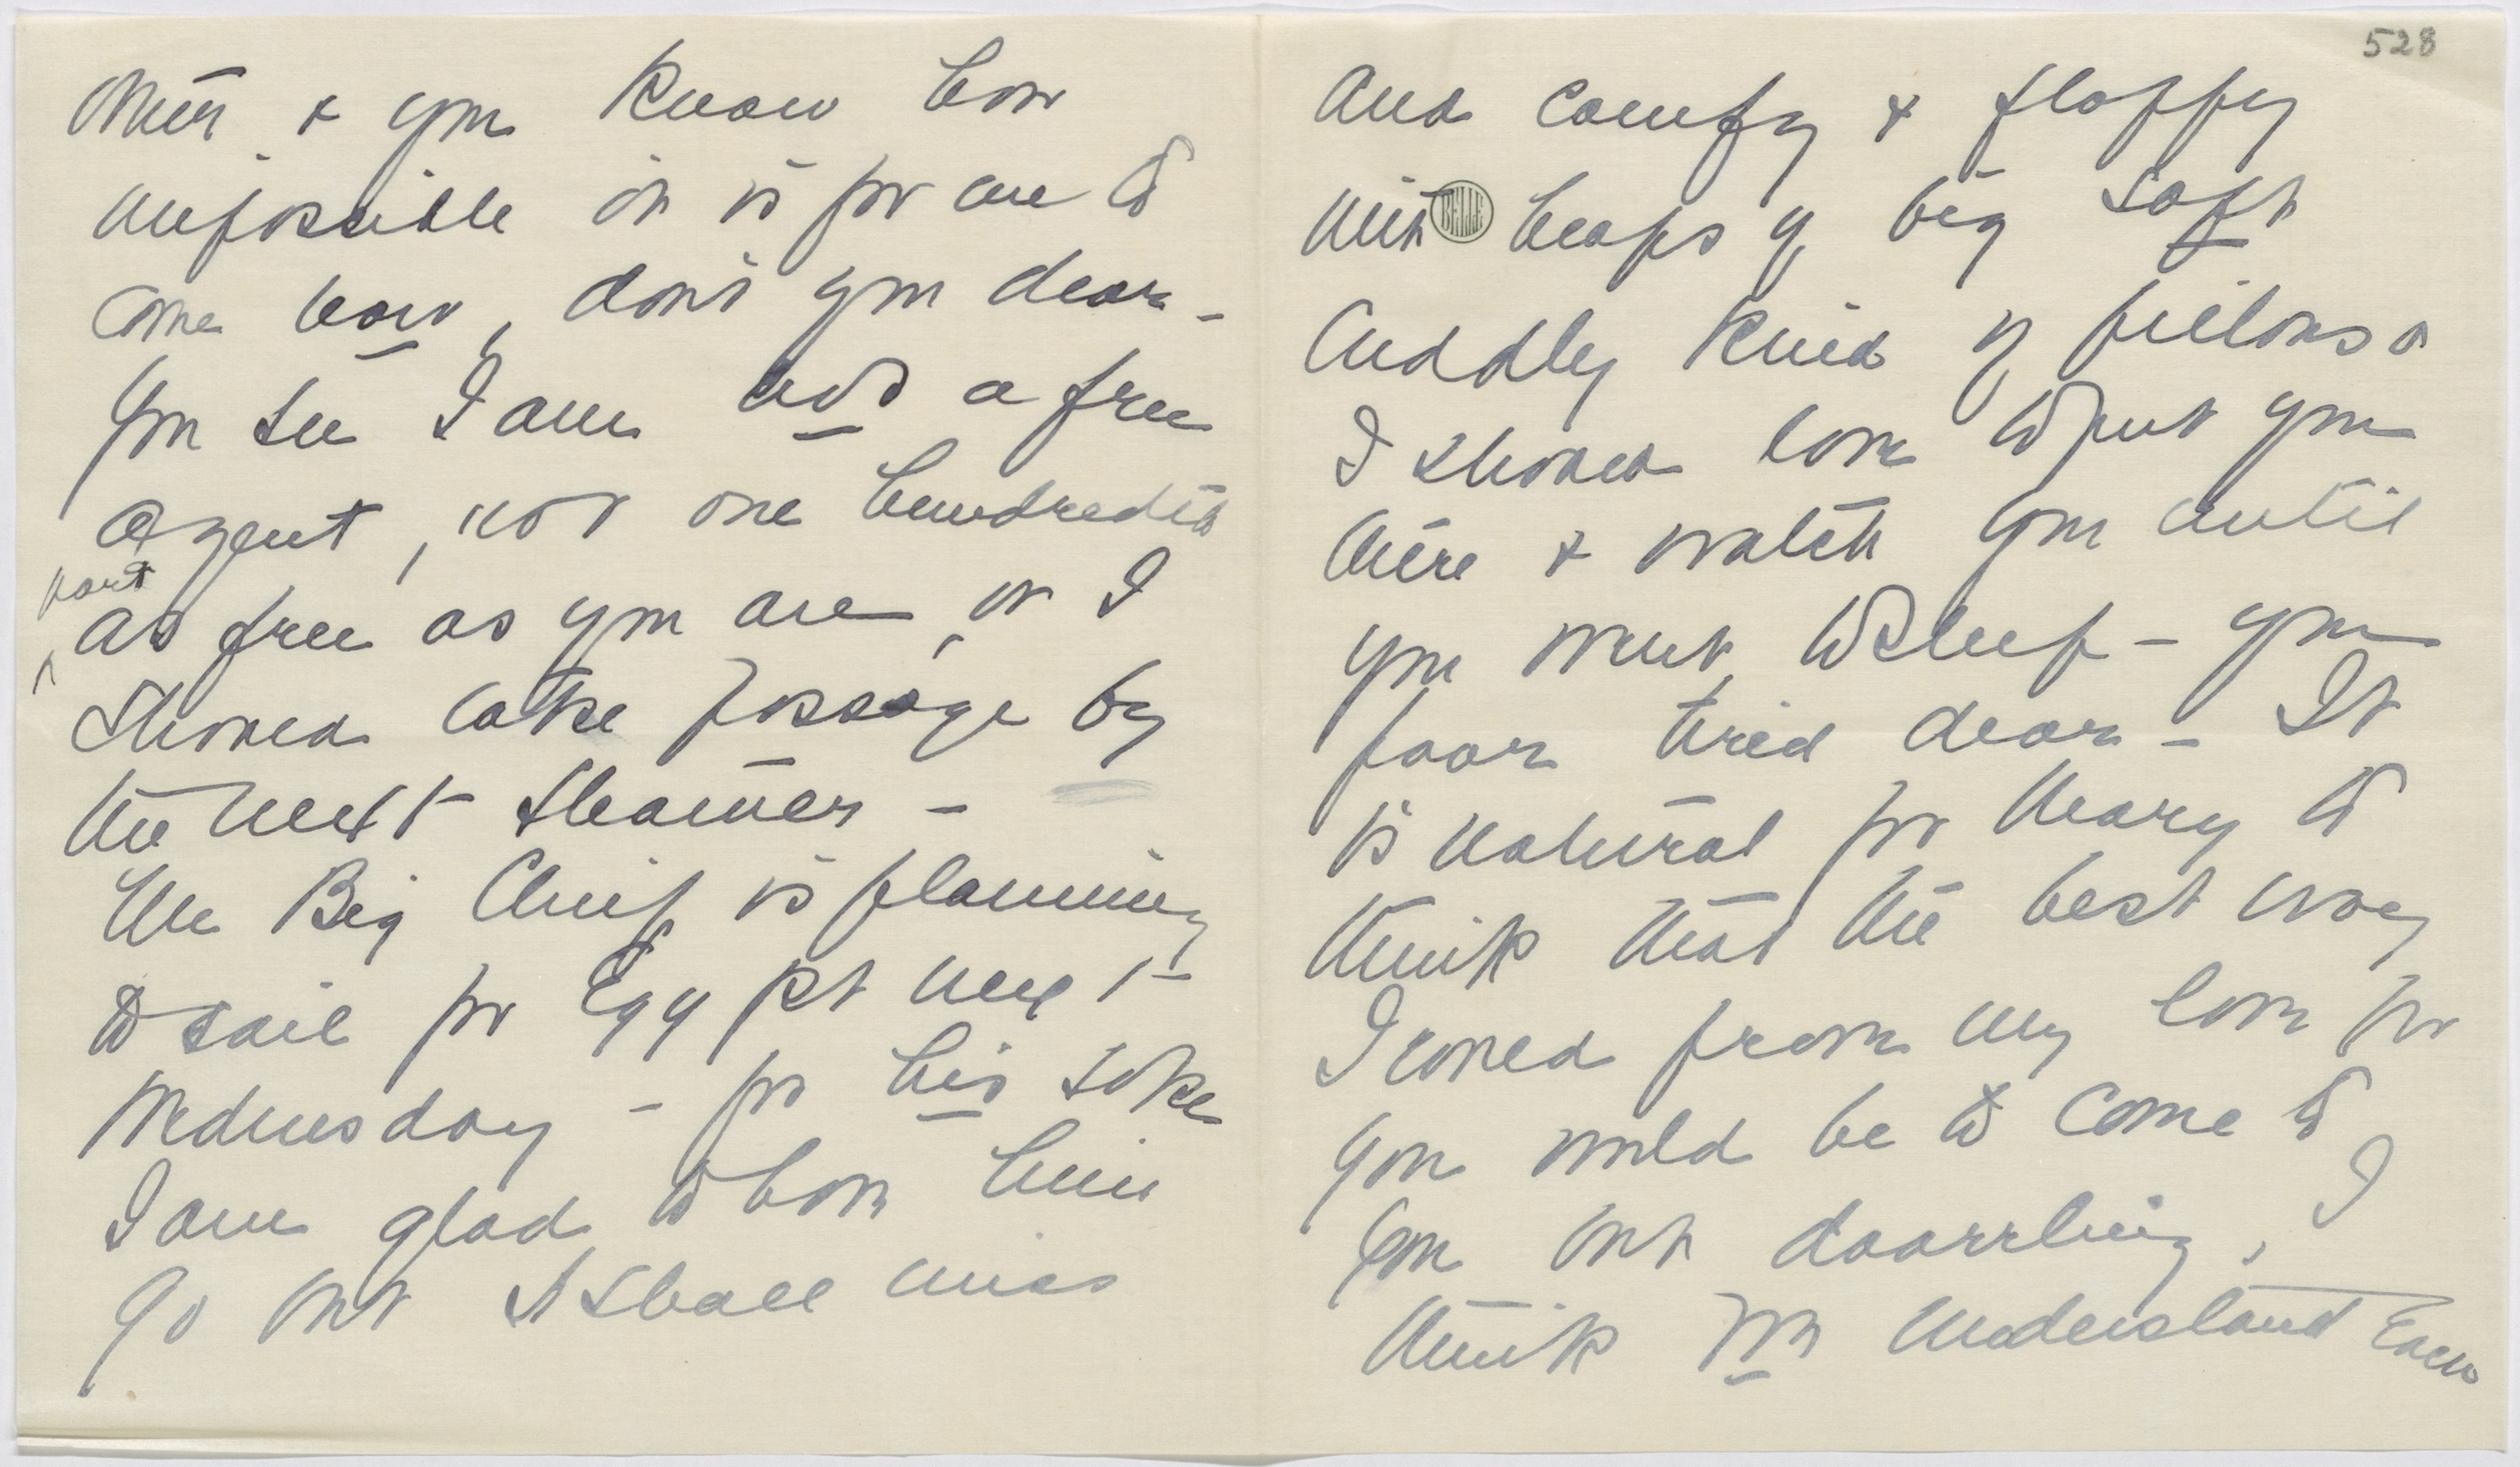and comfy & floppy with heaps of big soft cuddly kind of pillows & I should love to put you there & watch you until you went to sleep – you poor tired dear – It is natural for Mary to think that the best way I could prove my love for you would be to come to you but daarrling, I think we understand each
other & you know how impossible it is for me to come now, don’t you dear – You see I am not a free agent, not one hundredth [^part^] as free as you are, or I should take passage by the next steamer –
The Big Chief is planning to sail for Egypt next Wednesday – for his sake I am glad to have him go but I shall miss